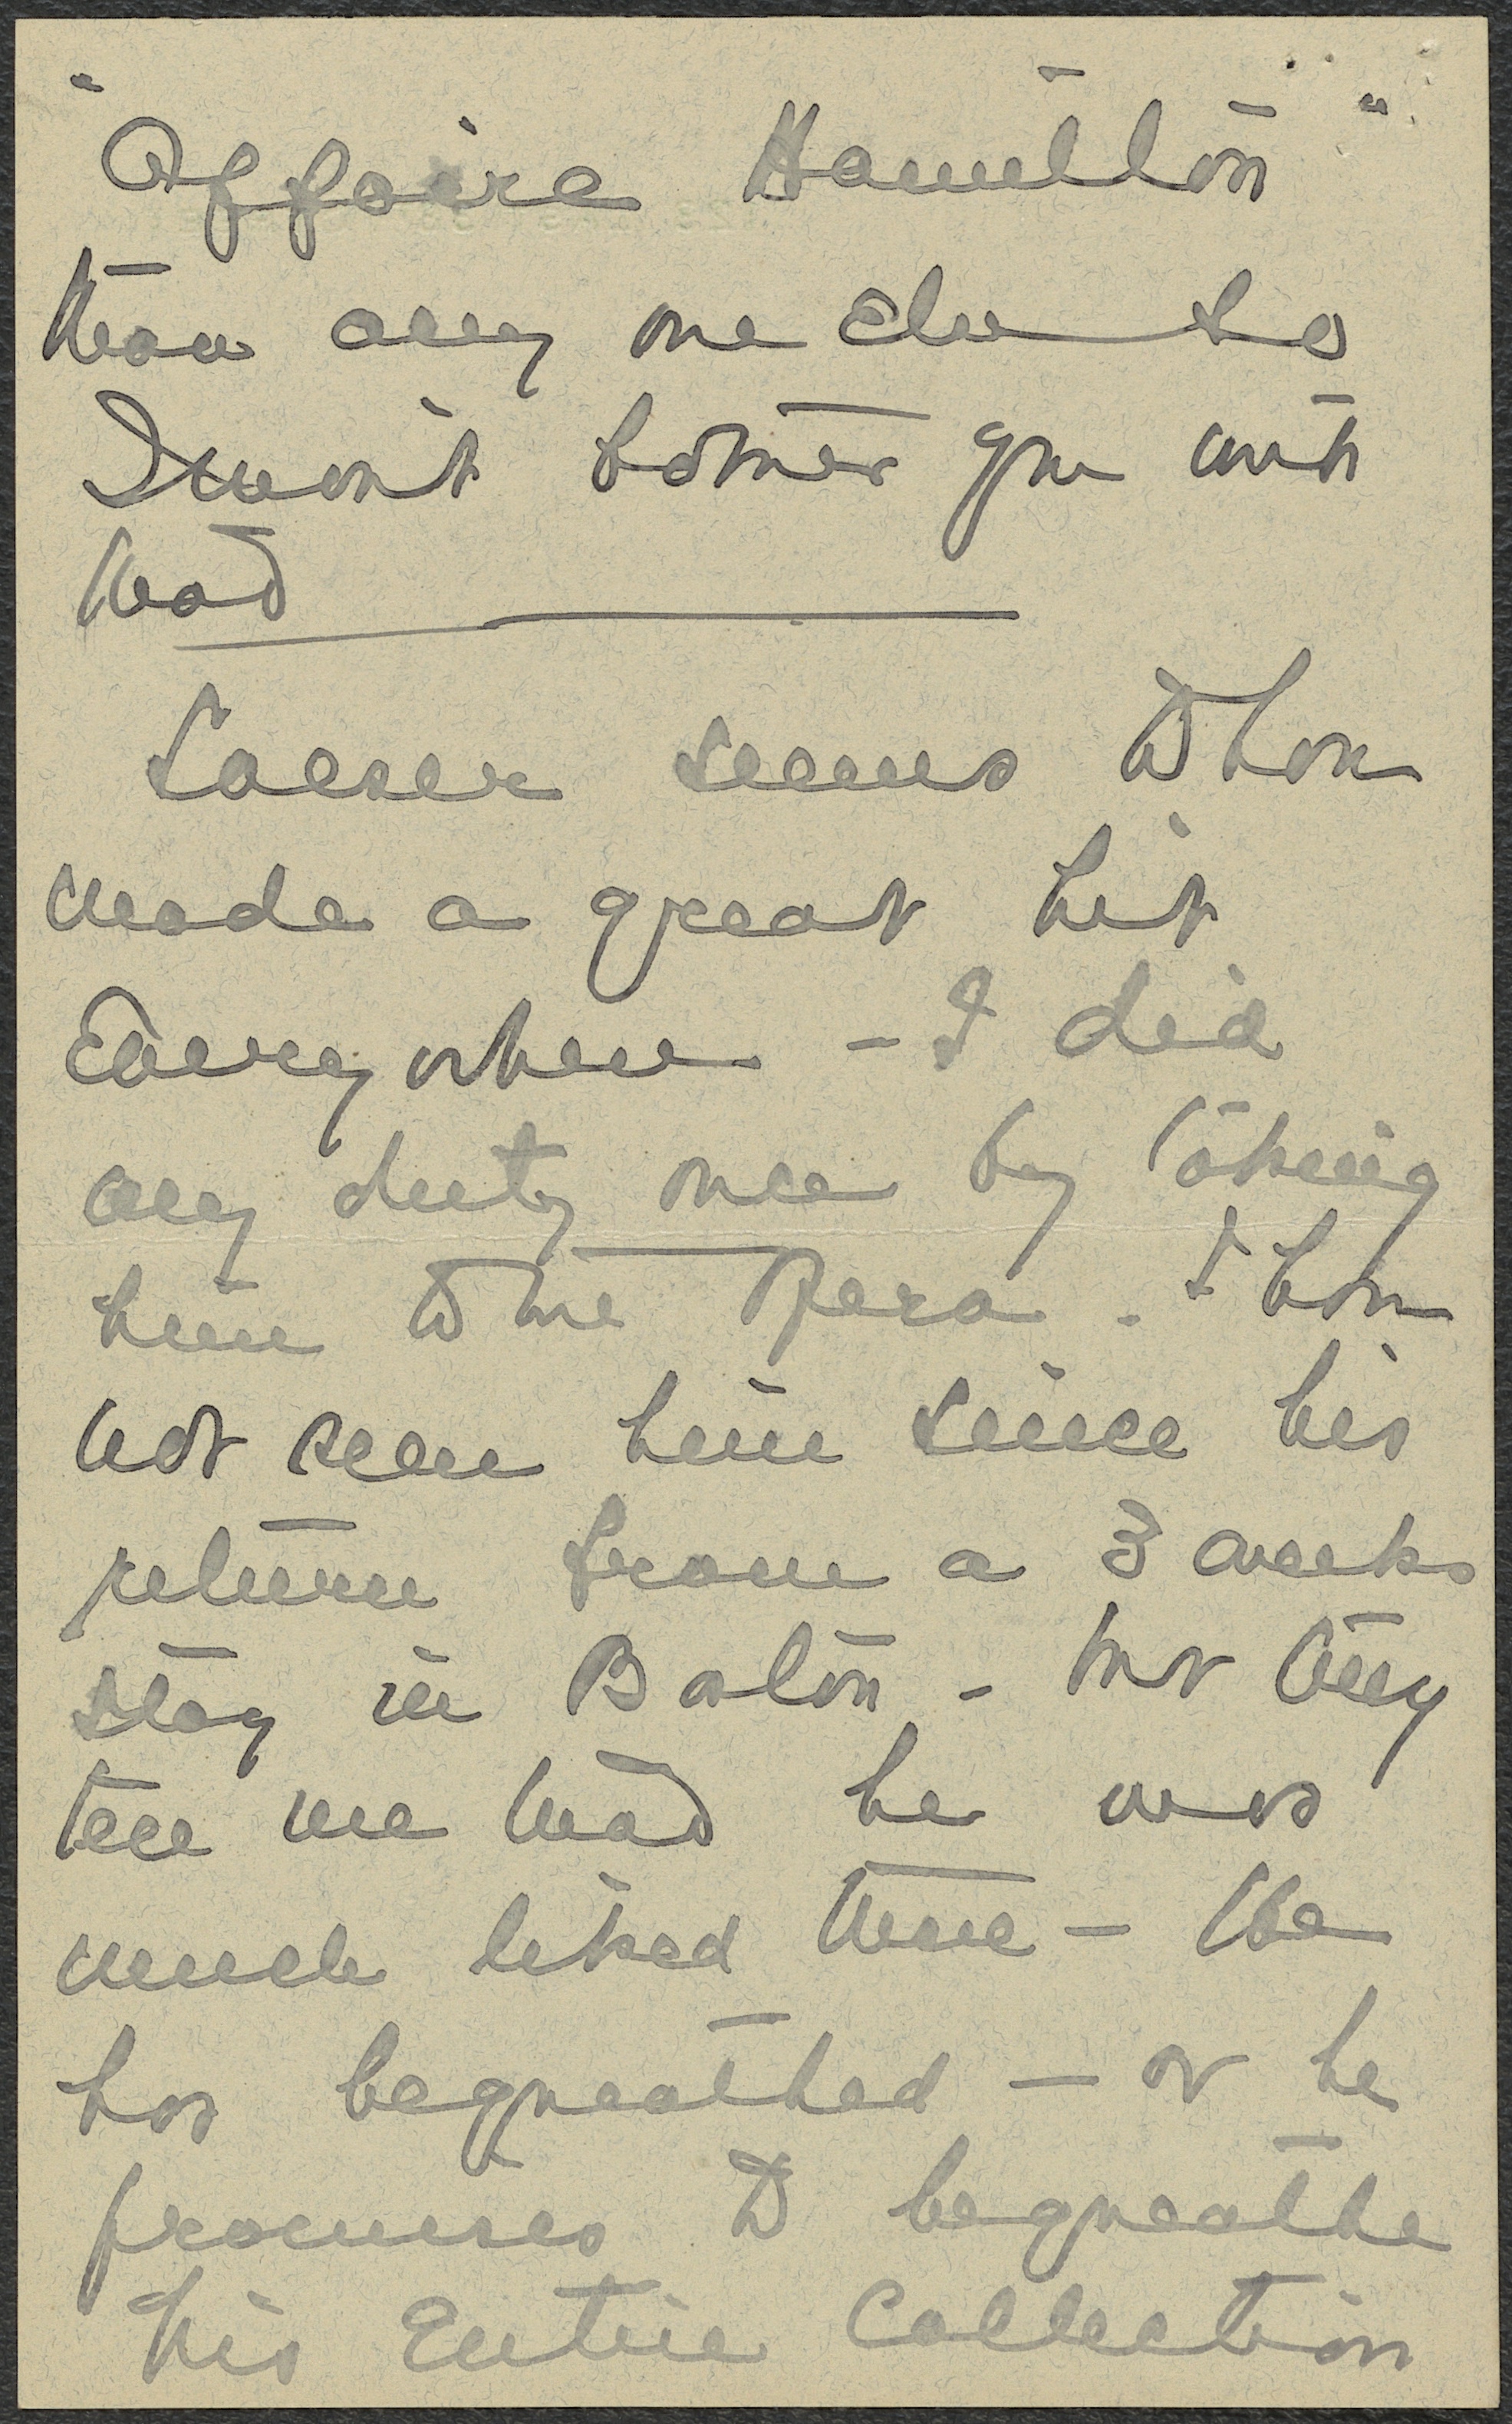“affaire Hamilton” than any one else so I won’t bother you with that
Loeser seems to have made a great hit everywhere – I did my duty once by taking him to the opera. I have not seen him since his return from a 3 weeks stay in Boston – but they tell me that he was much liked there – He has a bequeathed – or he promises to bequeathe his entire collection